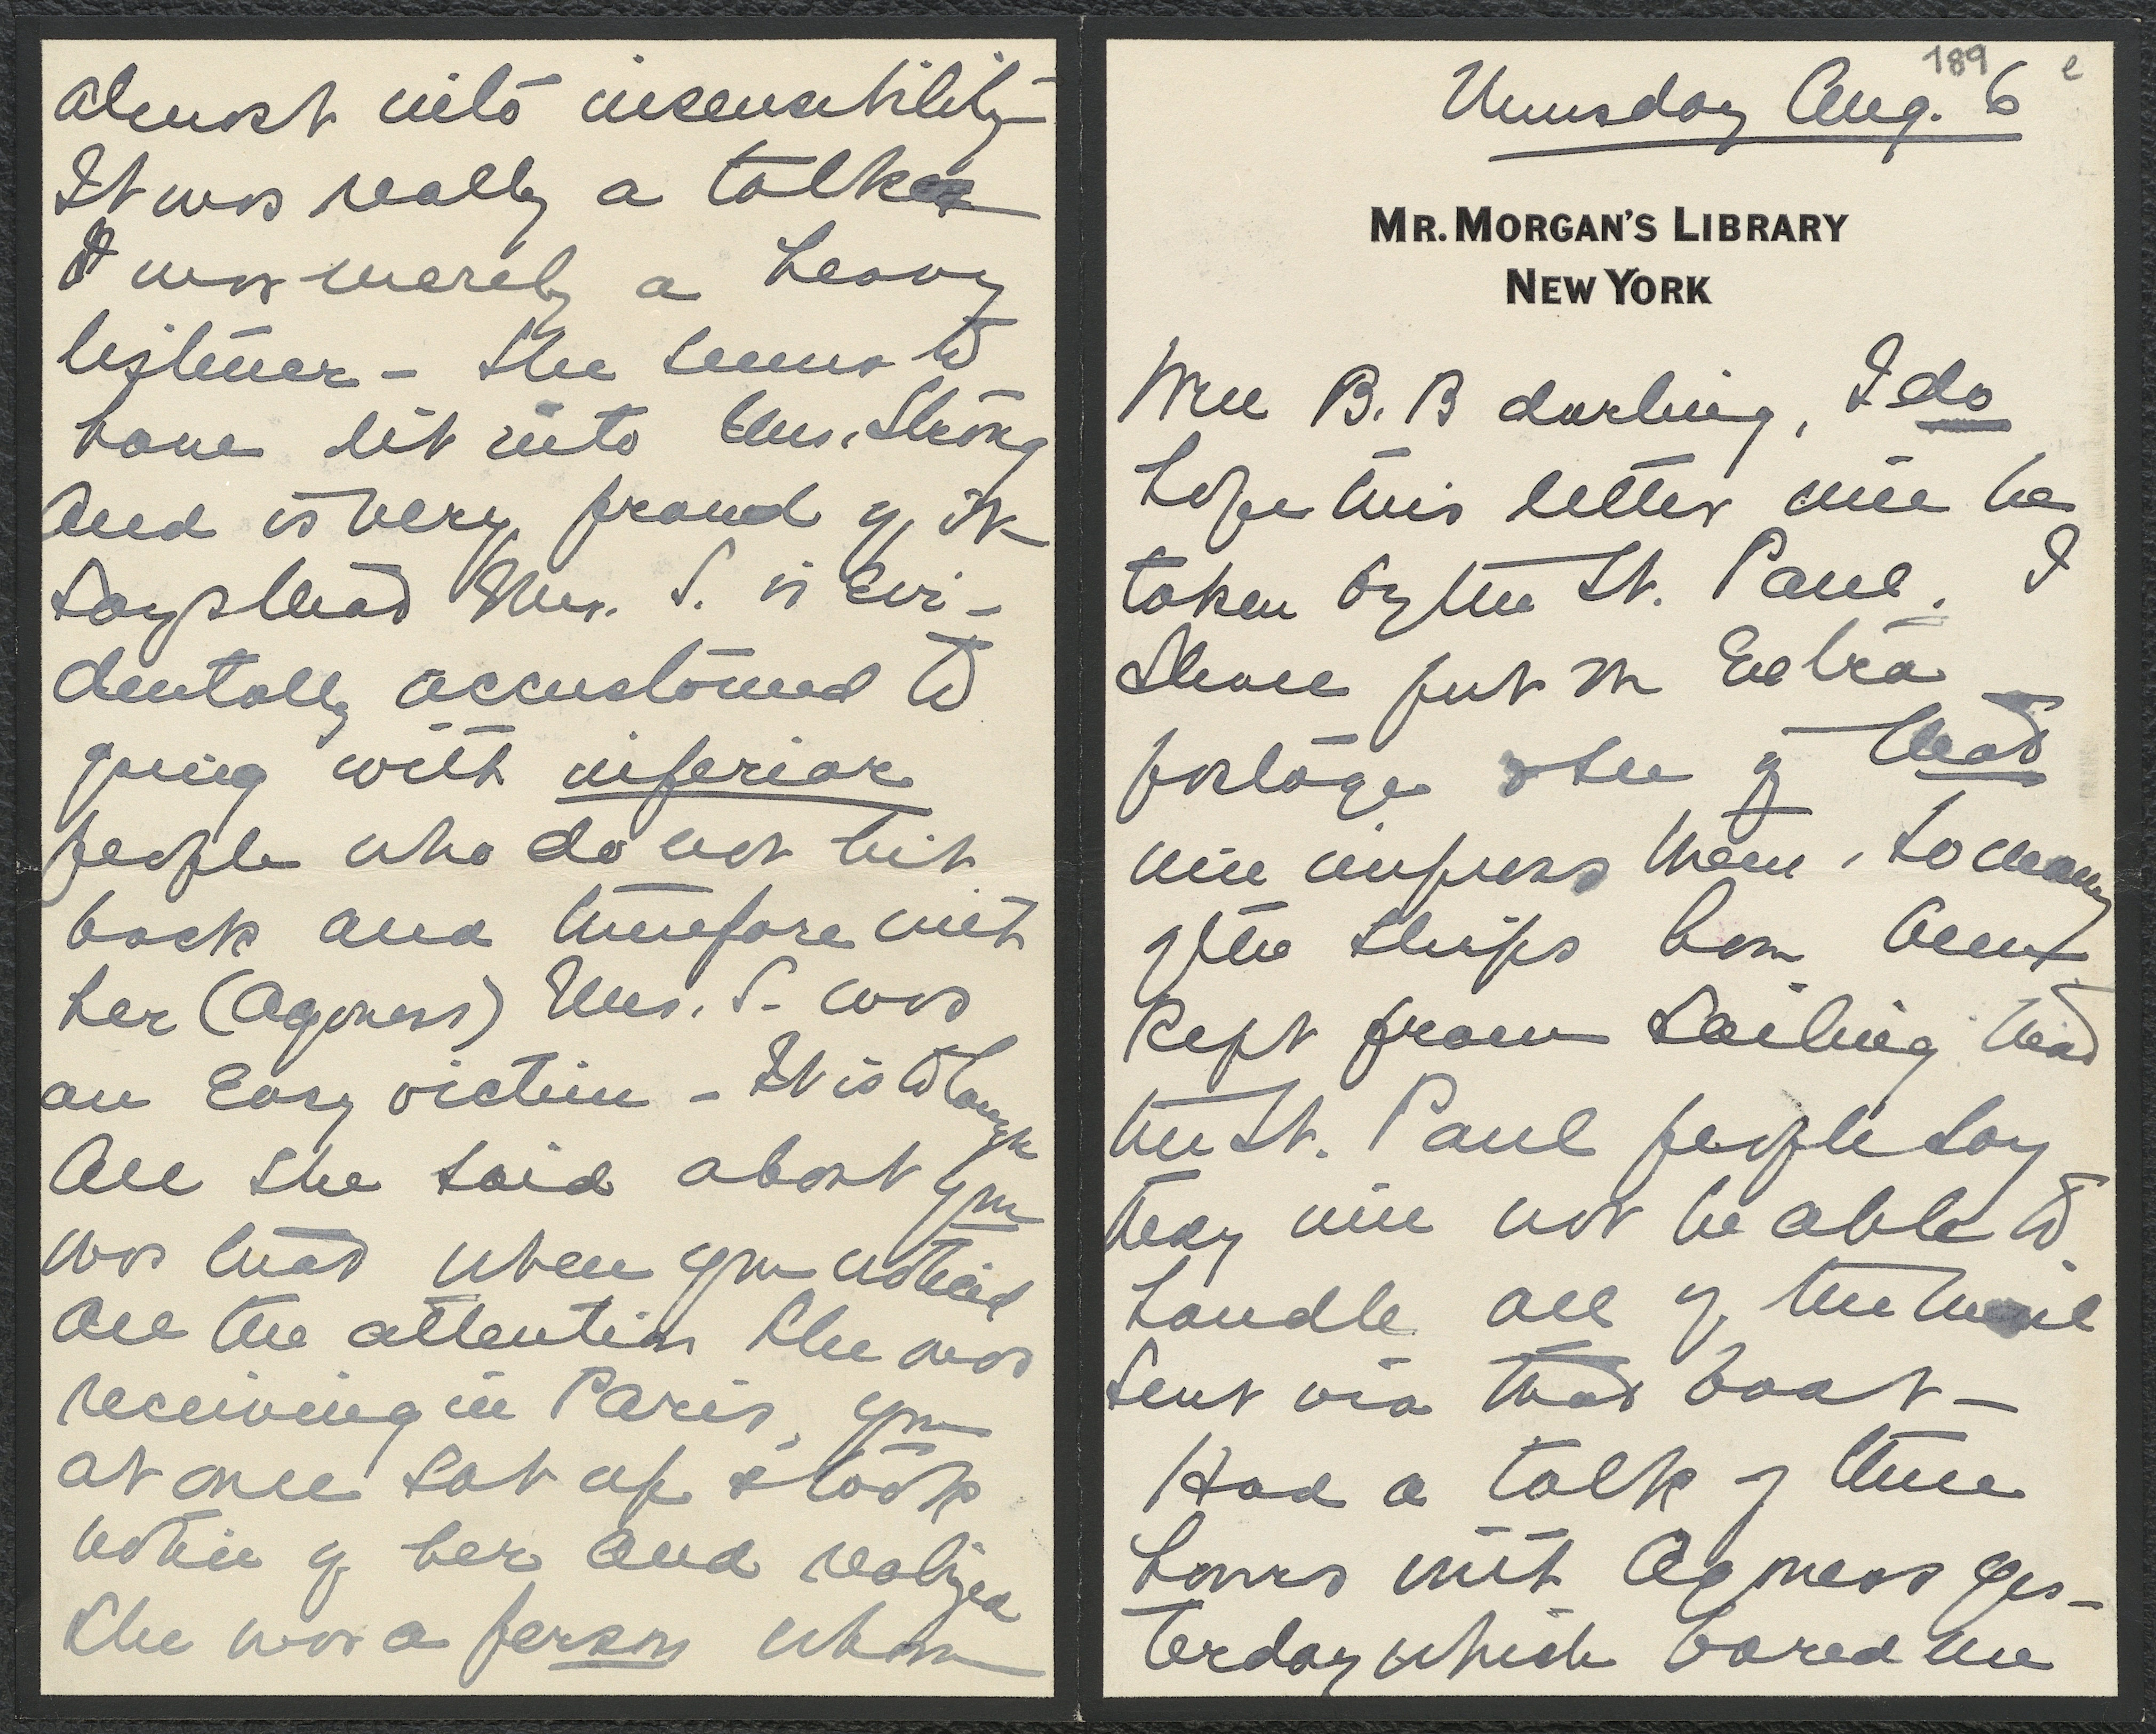Thursday Aug. 6
Well B.B darling, I do hope this letter will be taken by the St. Paul. I shall put on extra postage & see if that will impress them, so many of the ships have been kept from sailing that the St. Paul people say they will not be able to handle all of the mail sent via that boat –
Had a talk of three hours with Agoness yesterday which bored me
almost into insensibility – It was really a talk I was merely a heavy listener – She seems to have lit into Mrs. Strong And is very proud of it – Says that Mrs. S. is evidently accustomed to going with inferior people who do not hit back and therefore with her (Agoness) Mr. S. was an easy victim – It is to laugh All she said about you was that when you noticed all the attention she was receiving in Paris, you at once sat up & took notice of her and realized she was a person whom